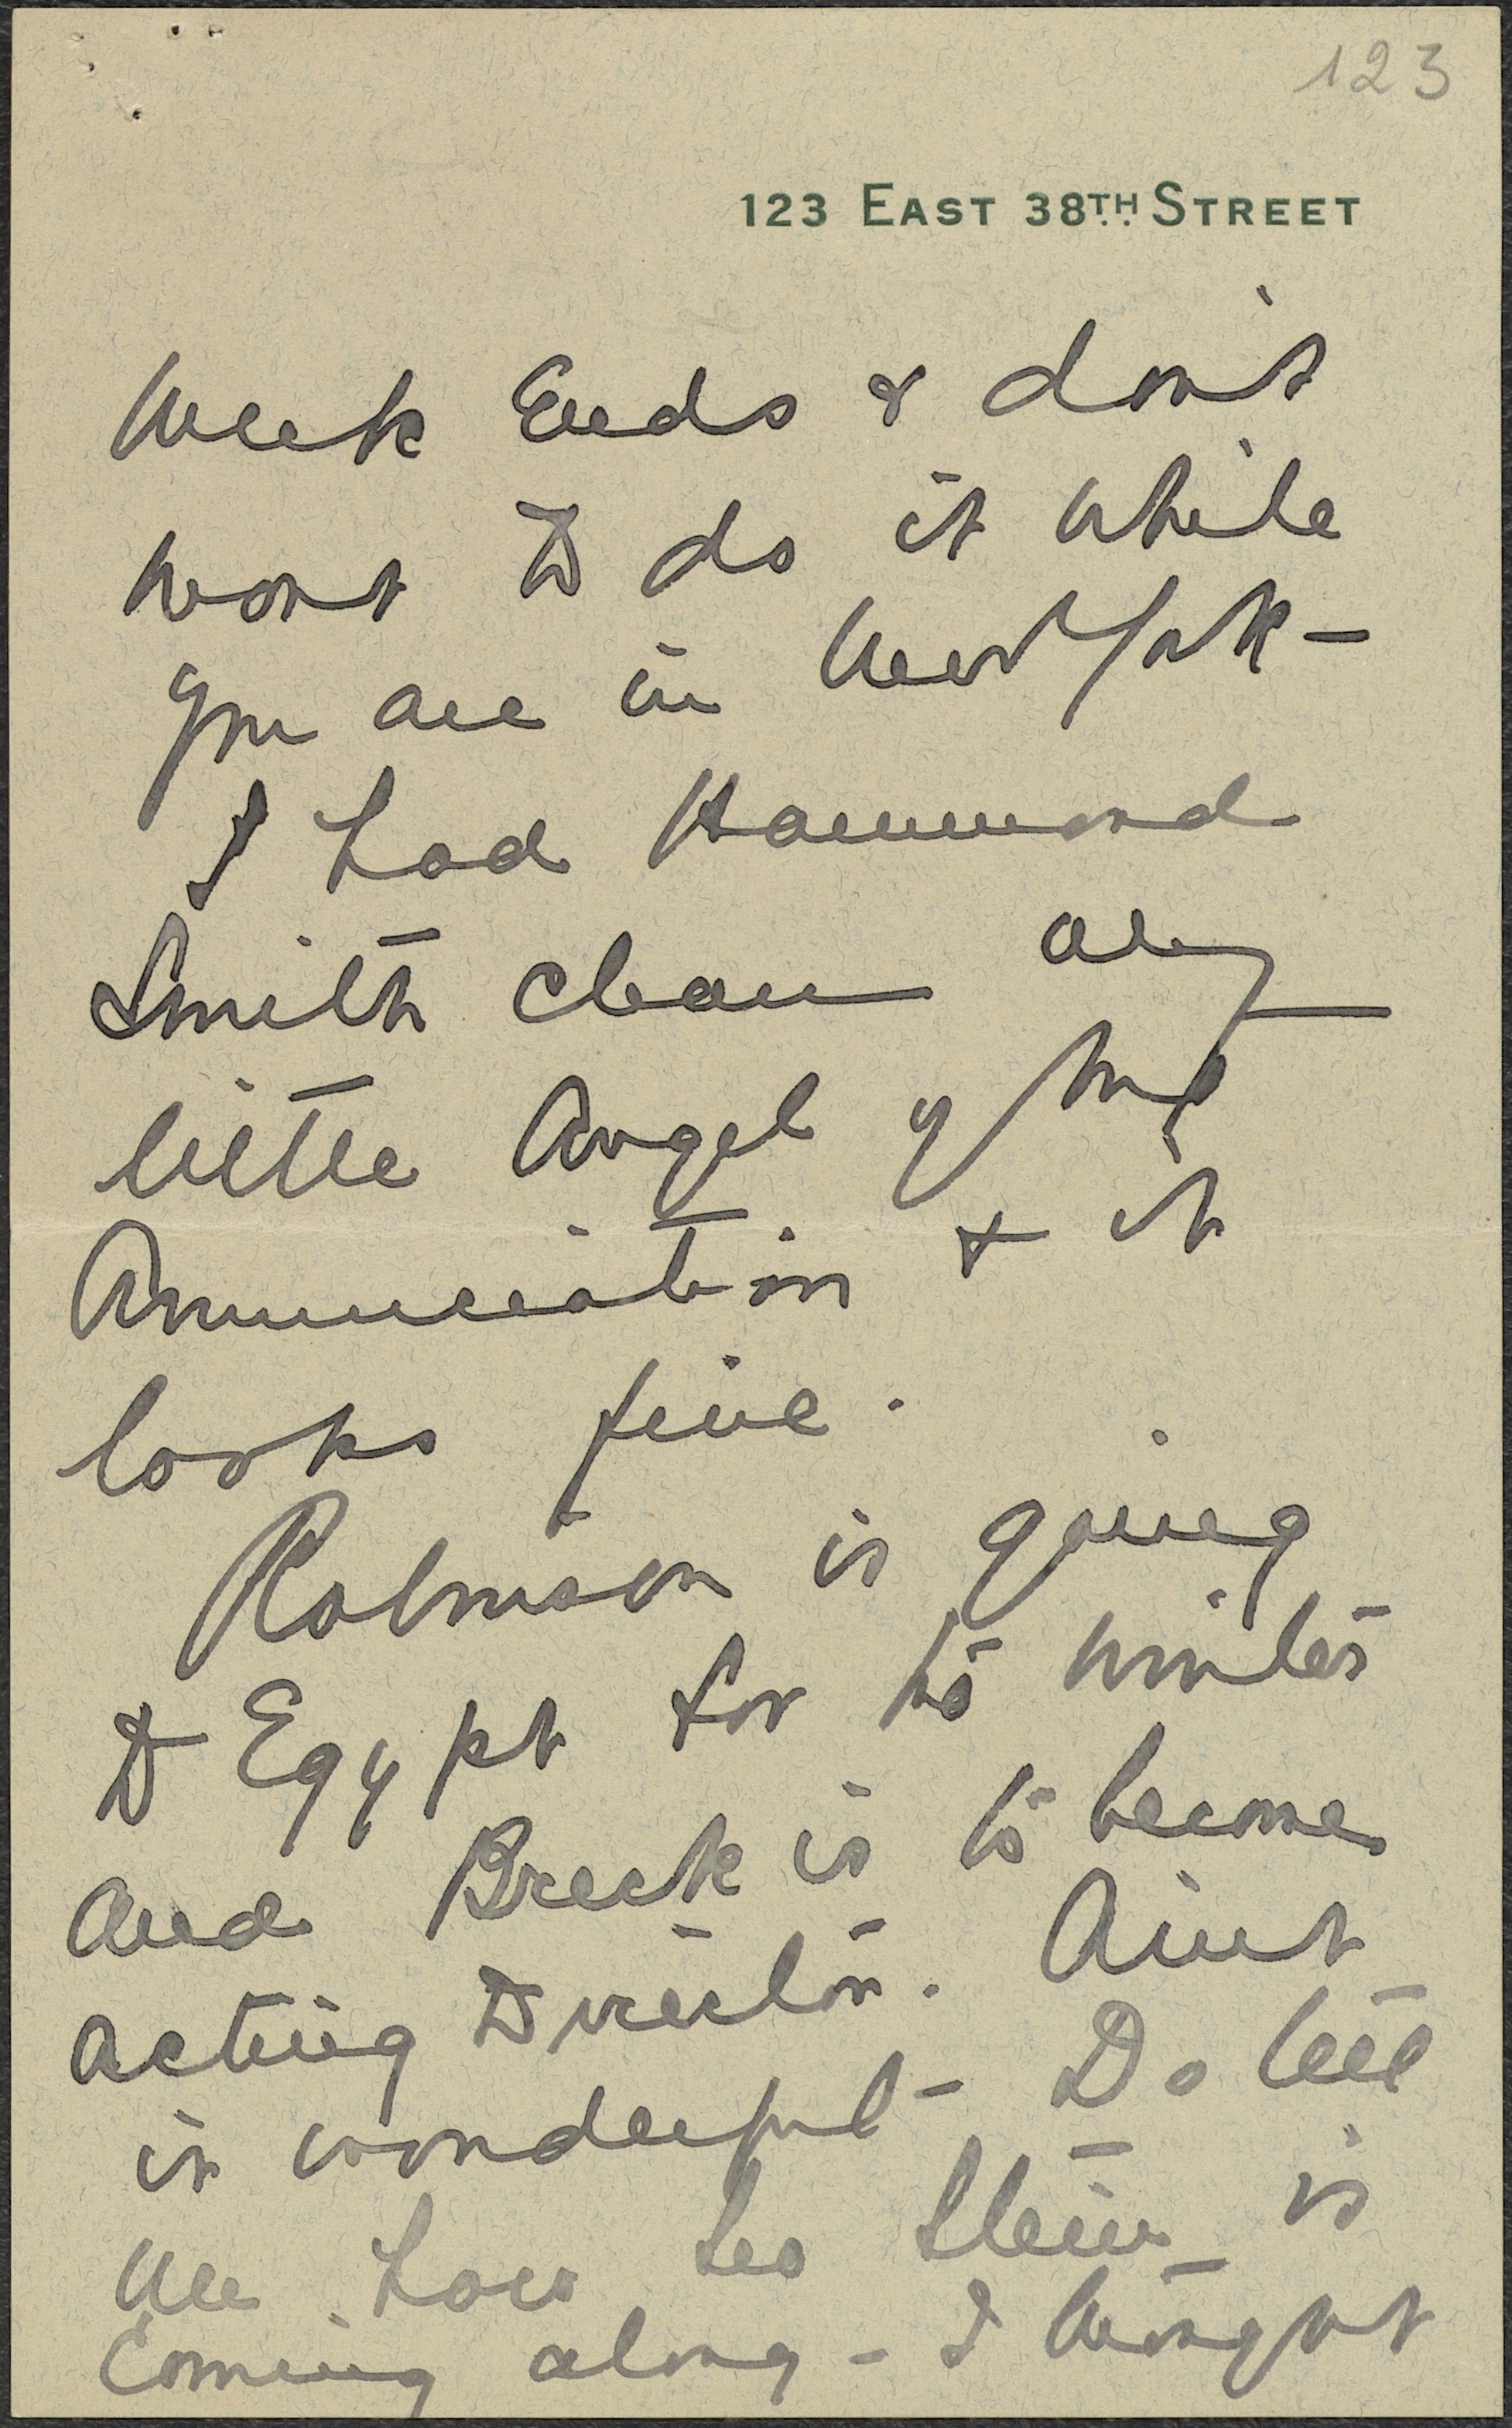week ends & don't want to it while you are in New York –
I had Hammond Smith clean my little Angel of the Annunciation & it looks fine.
Robinson is going to Egypt for the winter and Breck is to become acting Director. Aint it wonderful – Do tell me how Leo Stein is coming along – I thought